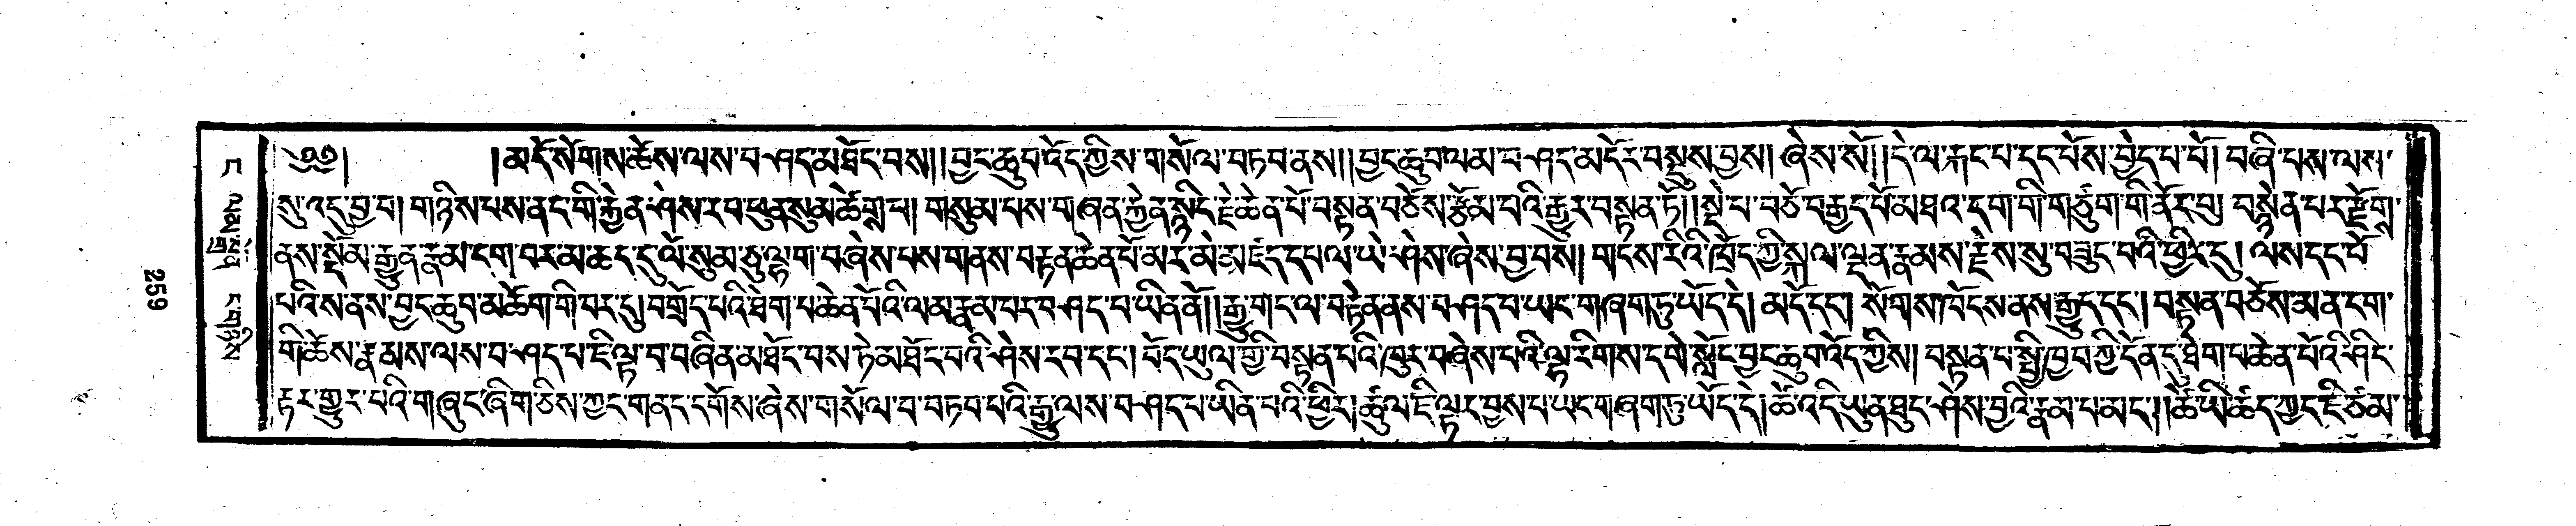༄༅། །མདོ་སོགས་ཆོས་ལས་བཤད་མཐོང་བས། །བྱང་ཆུབ་འོད་ཀྱིས་གསོལ་བཏབ་ནས། །བྱང་ཆུབ་ལམ་བཤད་མདོར་བསྡུས་བྱས། ཞེས་སོ། །དེ་ལ་རྐང་པ་དང་པོས་བྱེད་པ་པོ། བཞི་པས་ལས་
སུ་འདུ་བྱ་བ། གཉིས་པས་ནང་གི་རྐྱེན་ཤེས་རབ་ཕུན་སུམ་ཚོགས་པ། གསུམ་པས་གཞན་རྐྱེན་སྙིང་རྗེ་ཆེན་པོ་བསྟན་བཅོས་རྩོམ་པའི་རྒྱུར་བསྟན་ཏེ། །སྡེ་པ་བཅོ་བརྒྱད་པོ་མཐའ་དག་གི་གཙུག་གི་ནོར་བུ། བསྙེན་པར་རྫོགས་
ནས་སྡོམ་རྒྱུན་རྣམ་དག་བར་མ་ཆད་དུ་ལོ་སུམ་ཅུ་ལྷག་བཞེས་པས་གནས་བརྟན་ཆེན་པོ་མར་མེ་མཛད་དཔལ་ཡེ་ཤེས་ཞེས་བྱ་བས། གངས་རིའི་ཁྲོད་ཀྱི་སྐལ་ལྡན་རྣམས་རྗེས་སུ་བཟུང་བའི་ཕྱིར་དུ། ལས་དང་པོ་
པའི་ས་ནས་བྱང་ཆུབ་མཆོག་གི་བར་དུ། བགྲོད་པའི་ཐེག་པ་ཆེན་པོའི་ལམ་རྣམ་པར་བཤད་པ་ཡིན་ནོ། །རྒྱུ་གང་ལ་བརྟེན་ནས་བཤད་པ་ཡང་གཞག་ཏུ་ཡོད་དེ། མདོ་དང་། སོགས་ཁོངས་ནས་རྒྱུད་དང་། བསྟན་བཅོས་མན་ངག་
གི་ཆོས་རྣམས་ལས་བཤད་པ་ཇི་ལྟ་བ་བཞིན་མཐོང་བས་ཏེ་མཐོང་བའི་ཤེས་རབ་དང་། བོད་ཡུལ་གྱི་བསྟན་པའི་ཁུར་བཞེས་པའི་ལྷ་རིགས་དགེ་སློང་བྱང་ཆུབ་འོད་ཀྱིས། བསྟན་པ་སྤྱི་ཁྱབ་ཀྱི་དོན་དུ་ཐེག་པ་ཆེན་པོའི་ཤིང་
རྟར་གྱུར་པའི་གཞུང་ཞིག་ཅིས་ཀྱང་གནང་དགོས་ཞེས་གསོལ་བ་བཏབ་པའི་རྒྱུ་ལས་བཤད་པ་ཡིན་པའི་ཕྱིར། ཚུལ་ཇི་ལྟར་བྱས་པ་ཡང་གཞག་ཏུ་ཡོད་དེ། ཚེ་འདི་ཡུན་ཐུང་ཤེས་བྱའི་རྣམ་པ་མང་། །ཚེ་ཡི་ཚད་ཀྱང་ཇི་ཙམ་